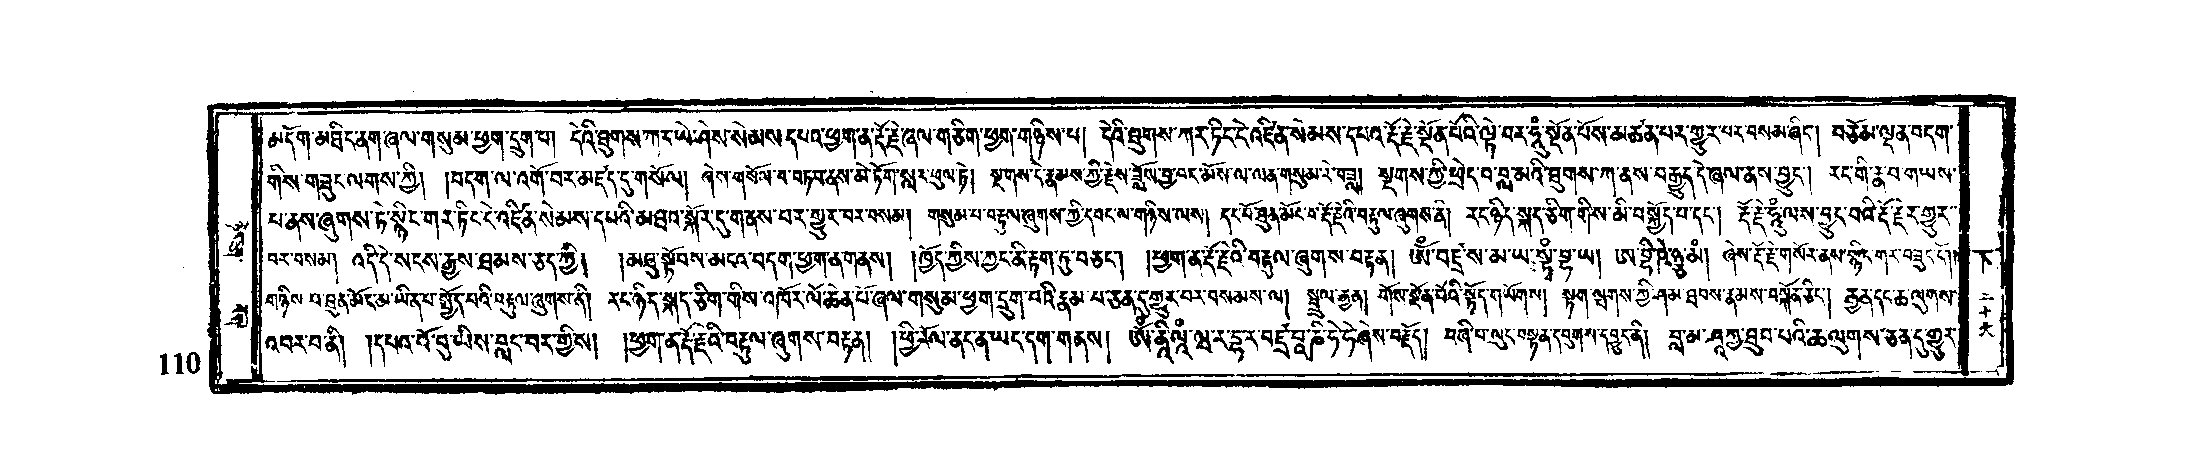མདོག་མཐིང་ནག་ཞལ་གསུམ་ཕྱག་དྲུག་པ། དེའི་ཐུགས་ཀར་ཡེ་ཤེས་སེམས་དཔའ་ཕྱག་ན་རྡོ་རྗེ་ཞལ་གཅིག་ཕྱག་གཉིས་པ། དེའི་ཐུགས་ཀར་ཏིང་ངེ་འཛིན་སེམས་དཔའ་རྡོ་རྗེ་སྔོན་པོའི་ལྟེ་བར་ཧཱུཾ་སྔོན་པོས་མཚན་པར་གྱུར་པར་བསམ་ཞིང་། བཅོམ་ལྡན་བདག་
གིས་གཟུང་ལགས་ཀྱི། །བདག་ལ་འགོ་བར་མཛད་དུ་གསོལ། ཞེས་གསོལ་བ་བཏབ་ནས་མེ་ཏོག་སླར་ཕུལ་ཏེ། སྔགས་དེ་རྣམས་ཀྱི་རྗེས་ཟློས་བྱ་བར་མོས་ལ་ལན་གསུམ་རེ་བཟླ། སྔགས་ཀྱི་ཕྲེང་བ་བླ་མའི་ཐུགས་ཀ་ནས་བརྒྱུད་དེ་ཞལ་ནས་བྱུང་། རང་གི་རྣ་བ་གཡས་
པ་ནས་ཞུགས་ཏེ་སྙིང་གར་ཏིང་ངེ་འཛིན་སེམས་དཔའི་མཐའ་སྐོར་དུ་གནས་པར་གྱུར་པར་བསམ། གསུམ་པ་བརྟུལ་ཞུགས་ཀྱི་དབང་ལ་གཉིས་ལས། དང་པོ་ཐུན་མོང་བ་རྡོ་རྗེའི་བརྟུལ་ཞུགས་ནི། རང་ཉིད་སྐད་ཅིག་གིས་མི་བསྐྱོད་པ་དང་། རྡོ་རྗེ་ཧཱུཾ་ལས་བྱུང་བའི་རྡོ་རྗེར་གྱུར་
བར་བསམ། འདི་དེ་སངས་རྒྱས་ཐམས་ཅད་ཀྱི། །མཐུ་སྟོབས་མངའ་བདག་ཕྱག་ན་གནས། །ཁྱོད་ཀྱིས་ཀྱང་ནི་རྟག་ཏུ་བཅང་། །ཕྱག་ན་རྡོ་རྗེའི་བརྟུལ་ཞུགས་བརྟན། ཨོཾ་བཛྲ་ས་མ་ཡ་སྟྭཾ་བྷ་ཡ། ཨ་བྷི་ཥེཉྩ་མཾ། ཞེས་རྡོ་རྗེ་གསོར་ནས་སྙིང་གར་བཟུང་ངོ། །
གཉིས་པ་ཐུན་མོང་མ་ཡིན་པ་སྤྱོད་པའི་བརྟུལ་ཞུགས་ནི། རང་ཉིད་སྐད་ཅིག་གིས་འཁོར་ལོ་ཆེན་པོ་ཞལ་གསུམ་ཕྱག་དྲུག་པའི་རྣམ་པ་ཅན་དུ་གྱུར་པར་བསམས་ལ། སྦྲུལ་རྒྱན། གོས་སྔོན་པོའི་སྟོད་གཡོགས། སྟག་ལྤགས་ཀྱི་ཤམ་ཐབས་རྣམས་བསྐོན་ཅིང་། རྒྱན་དང་ཆ་ལུགས་
འབར་བ་ནི། །དཔའ་བོ་བུ་ཡིས་བླང་བར་གྱིས། །ཕྱག་ན་རྡོ་རྗེའི་བརྟུལ་ཞུགས་བརྟན། །ཕྱི་རོལ་ནང་ན་ཡང་དག་གནས། ཨོཾ་ནཱི་ལཱཾ་ཝ་ར་དྷ་ར་བཛྲ་པཱ་ཎི་ཧེ་ཧེ་ཞེས་བརྗོད། བཞི་པ་ལུང་བསྟན་དབུགས་དབྱུང་ནི། བླ་མ་ཤཱཀྱ་ཐུབ་པའི་ཆ་ལུགས་ཅན་དུ་གྱུར་